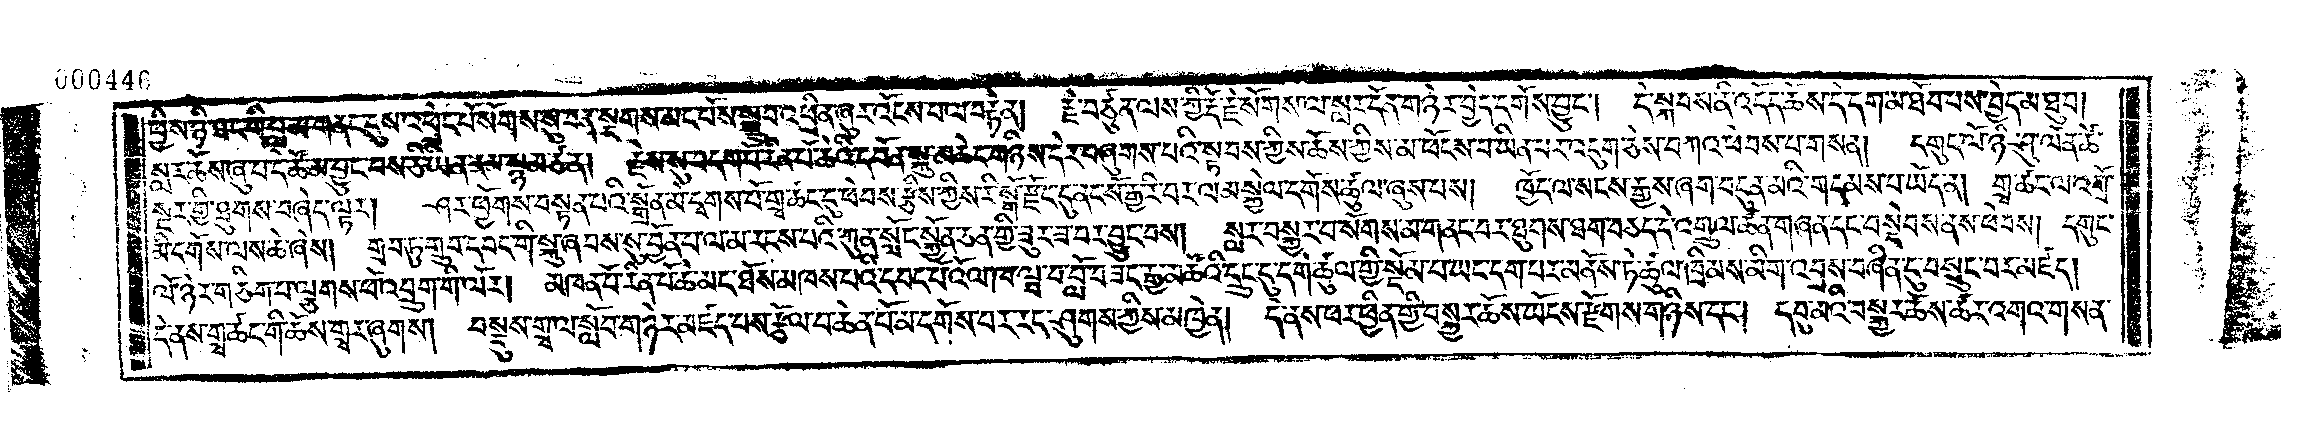ཕྱིས་ཉི་ཐང་གི་བླ་མ་གནང་དུས་འཕྲེང་པོ་སོགས་སུ་བན་སྔགས་མང་པོས་སྒྲུབ་འཕྲིན་ཞུར་འོངས་པ་ལ་བརྟེན། རྗེ་བཙུན་ལས་ཀྱི་རྡོ་རྗེ་སོགས་ལ་སླར་དོན་གཉེར་བྱེད་དགོས་བྱུང་། དེ་སྐབས་ནི་འདོད་ཆོས་དེ་དག་མ་ཐོབ་པས་བྱེད་མ་ཐུབ།
སླར་ཆོས་ཞུ་པ་དེ་ཚོ་མ་བྱུང་བས་ཅི་ཡིན་ནམ་སྙམ་ཙ་ན། རྗེས་སུ་བདག་པོ་རིན་པོ་ཆེའི་དབོན་སྐུ་མཆེད་གཉིས་དེར་བཞུགས་པའི་སྟབས་ཀྱིས་ཆོས་ཀྱིས་མ་ཕོངས་པ་ཡིན་པར་འདུག་ཅེས་བཀའ་ཕེབས་པ་གསན། དགུང་ལོ་ཉི་ཤུ་ལོན་ཚེ་
སྔར་གྱི་ཐུགས་བཞེད་ལྟར། ཤར་ཕྱོགས་བསྟན་པའི་སྒྲོན་མེ་དྭགས་པོ་གྲྭ་ཚང་དུ་ཕེབས་རྩིས་ཀྱིས་རི་སྒོ་རྫོང་དུ་ནང་སོ་རྒྱ་རི་བར་ལམ་སྐྱེལ་དགོས་ཚུལ་ཞུས་པས། ཁྱོད་ལ་སངས་རྒྱས་ཞག་བདུན་མའི་གདམས་པ་ཡོད་ན། གྲྭ་ཚང་ལ་འགྲོ་
མི་དགོས་ལས་ཆེ་ཞེས། གྲབ་ཏུ་གྲུབ་དབང་གི་སྐུ་ཞབས་སུ་བྱོན་པ་ལ་མ་རངས་པའི་ཀུན་སློང་སྐྱོན་ཅན་གྱི་ཟུར་ཟ་བར་བྱུང་བས། སླར་བསྐྱར་བ་སོགས་མ་གནང་བར་ཐུགས་ཐག་བཅད་དེ་འགྲུལ་ཚན་གཞན་དང་བསྡེབས་ནས་ཕེབས། དགུང་
ལོ་ཉེར་གཅིག་པ་ལྕགས་ཕོ་འབྲུག་གི་ལོར། མཁན་པོ་རིན་པོ་ཆེ་མང་ཐོས་མཁས་པའི་དབང་པོའོ་ལ་ཁ་ལྦ་བ་བློ་བཟང་རྒྱ་མཚོའི་དྲུང་དུ་དགེ་ཚུལ་གྱི་སྡོམ་པ་ཡང་དག་པར་མནོས་ཏེ་ཚུལ་ཁྲིམས་མིག་འབྲས་བཞིན་དུ་བསྲུང་བར་མཛད།
དེ་ནས་གྲྭ་ཚང་གི་ཆོས་གྲྭར་ཞུགས། བསྡུས་གྲྭ་ལ་སློབ་གཉེར་མཛད་པས་རྩོལ་པ་ཆེན་པོ་མ་དགོས་པར་རང་ཤུགས་ཀྱིས་མཁྱེན། དེ་ནས་ཕར་ཕྱིན་གྱི་བསྐྱར་ཆོས་ཡོངས་རྫོགས་གཉིས་དང་། དབུ་མའི་བསྐྱར་ཆོས་ཚར་འགའ་གསན་